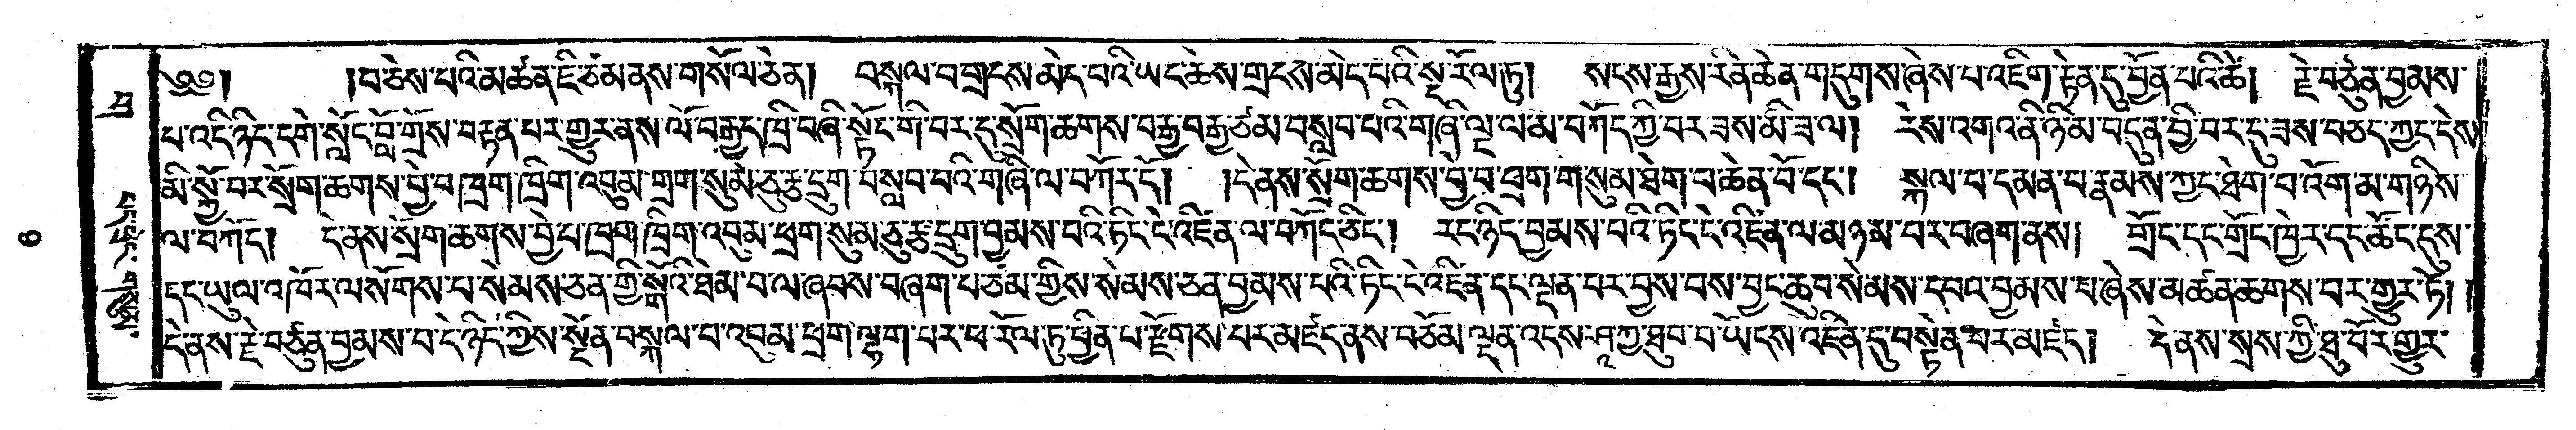༄༅། །བ་ཅེས་པའི་མཚན་ཇི་ཙམ་ནས་གསོལ་ཅེ་ན། བསྐལ་བ་གྲངས་མེད་པའི་ཡང་ཆེས་གྲངས་མེད་པའི་སྔ་རོལ་ཏུ། སངས་རྒྱས་རིན་ཆེན་གདུགས་ཞེས་པ་འཇིག་རྟེན་དུ་བྱོན་པའི་ཚེ། རྗེ་བཙུན་བྱམས་
པ་འདི་ཉིད་དགེ་སློང་བློ་གྲོས་བརྟན་པར་གྱུར་ནས་ལོ་བརྒྱད་ཁྲི་བཞི་སྟོང་གི་བར་དུ་སྲོག་ཆགས་བརྒྱ་བརྒྱ་ཙམ་བསླབ་པའི་གཞི་ལྔ་ལ་མ་བཀོད་ཀྱི་བར་ཟས་མི་ཟ་ལ། རེས་འགའ་ནི་ཉི་མ་བདུན་བྱི་བར་དུ་ཟས་བཅད་ཀྱང་དེས་
མི་སྐྱོ་བར་སྲོག་ཆགས་བྱེ་བ་ཁྲག་ཁྲིག་འབུམ་གྲག་སུམ་ཅུ་རྩ་དྲུག་བསླབ་པའི་གཞི་ལ་བཀོར་དོ། །དེ་ནས་སྲོག་ཆགས་བྱེ་བ་ཕྲག་གསུམ་ཐེག་པ་ཆེན་པོ་དང་། སྐལ་བ་དམན་པ་རྣམས་ཀྱང་ཐེག་པ་འོག་མ་གཉིས་
ལ་བཀོད། དེ་ནས་སྲོག་ཆགས་བྱེ་བ་ཁྲག་ཁྲིག་འབུམ་ཕྲག་སུམ་ཅུ་རྩ་དྲུག་བྱམས་པའི་ཏིང་ངེ་འཛིན་ལ་བཀོད་ཅིང་། རང་ཉིད་བྱམས་པའི་ཏིང་ངེ་འཛིན་ལ་མཉམ་པར་བཞག་ནས། གྲོང་དང་གྲོང་ཁྱེར་དང་ཚོང་དུས་
དང་ཡུལ་འཁོར་ལ་སོགས་པ་སེམས་ཅན་གྱི་སྒོའི་ཐེམ་བ་ལ་ཞབས་བཞག་པ་ཙམ་གྱིས་སེམས་ཅན་བྱམས་པའི་ཏིང་ངེ་འཛིན་དང་ལྡན་པར་བྱས་པས་བྱང་ཆུབ་སེམས་དཔའ་བྱམས་པ་ཞེས་མཚན་ཆགས་པར་གྱུར་ཏོ། །
དེ་ནས་རྗེ་བཙུན་བྱམས་པ་དེ་ཉིད་ཀྱིས་སྔོན་བསྐལ་བ་འབུམ་ཕྲག་ལྷག་པར་ཕ་རོལ་ཏུ་ཕྱིན་པ་རྫོགས་པར་མཛད་ནས་བཅོམ་ལྡན་འདས་ཤཱཀྱ་ཐུབ་པ་ཡོངས་འཛིན་དུ་བསྟེན་པར་མཛད། དེ་ནས་སྲས་ཀྱི་ཐུ་བོར་གྱུར་